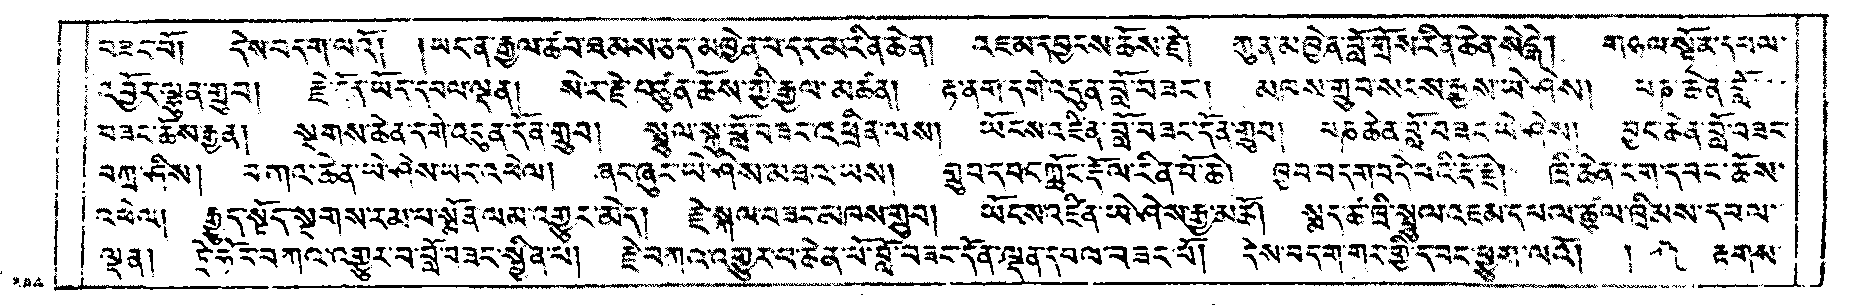བཟང་པོ། དེས་བདག་ལའོ། །ཡང་ན་རྒྱལ་ཚབ་ཐམས་ཅད་མཁྱེན་པ་དར་མ་རིན་ཆེན། འཇམ་དབྱངས་ཆོས་རྗེ། ཀུན་མཁྱེན་བློ་གྲོས་རིན་ཆེན་སེངྒེ། གཉལ་སྟོན་དཔལ་
འབྱོར་ལྷུན་གྲུབ། རྗེ་དོན་ཡོད་དཔལ་ལྡན། སེ་ར་རྗེ་བཙུན་ཆོས་ཀྱི་རྒྱལ་མཚན། རྟ་ནག་དགེ་འདུན་བློ་བཟང་། མཁས་གྲུབ་སངས་རྒྱས་ཡེ་ཤེས། པཎ་ཆེན་བློ་
བཟང་ཆོས་རྒྱན། སྔགས་ཆེན་དགེ་འདུན་དོན་གྲུབ། སྤྲུལ་སྐུ་བློ་བཟང་འཕྲིན་ལས། ཡོངས་འཛིན་བློ་བཟང་དོན་གྲུབ། པཎ་ཆེན་བློ་བཟང་ཡེ་ཤེས། བྱང་ཆེན་བློ་བཟང་
བཀྲ་ཤིས། བཀའ་ཆེན་ཡེ་ཤེས་ཡར་འཕེལ། ཞང་ཞུང་ཡེ་ཤེས་མཐའ་ཡས། གྲུབ་དབང་ཀློང་རྡོལ་རིན་པོ་ཆེ། ཁྱབ་བདག་བདེ་བའི་རྡོ་རྗེ། ཁྲི་ཆེན་ངག་དབང་ཆོས་
འཕེལ། རྒྱུད་སྟོད་སྔགས་རམ་པ་སྨོན་ལམ་འགྱུར་མེད། རྗེ་སྐལ་བཟང་མཁས་གྲུབ། ཡོངས་འཛིན་ཡེ་ཤེས་རྒྱ་མཚོ། སྨད་ཚ་ཁྲི་སྤྲུལ་འཇམ་དཔལ་ཚུལ་ཁྲིམས་དཔལ་
ལྡན། ཏྲེ་ཧོར་བཀའ་འགྱུར་བ་བློ་བཟང་སྦྱིན་པ། རྗེ་བཀའ་འགྱུར་བ་ཆེན་པོ་བློ་བཟང་དོན་ལྡན་དཔལ་བཟང་པོ། དེས་བདག་གར་གྱི་དབང་ཕྱུག་ལའོ། ། ༡?་རྟགས་